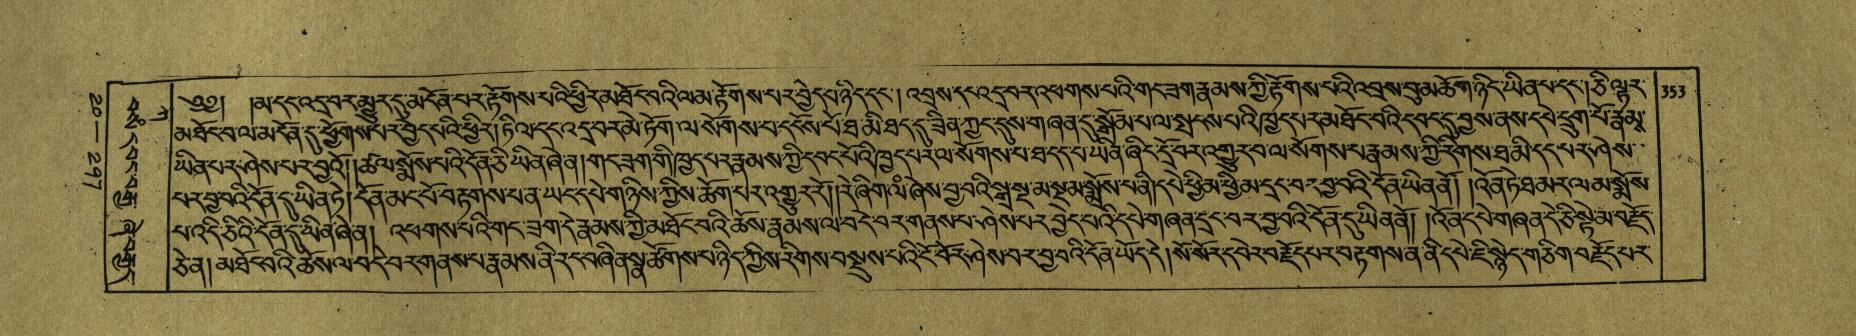༄༅། །མ་དང་འདྲ་བར་མྱུར་དུ་མངོན་པར་རྟོགས་པའི་ཕྱིར་མཐོང་བའི་ལམ་རྟོགས་པར་བྱེད་པ་ཉིད་དང་། འབྲས་དང་འདྲ་བར་འཕགས་པའི་གང་ཟག་རྣམས་ཀྱི་རྟོགས་པའི་འབྲས་བུ་མཆོག་ཉིད་ཡིན་པ་དང་། ཅི་ལྟར་
མཐོང་བ་ལ་མངོན་དུ་ཕྱོགས་པར་བྱེད་པའི་ཕྱིར། ཏིལ་དང་འདྲ་བར་མེ་ཏོག་ལ་སོགས་པ་དངོས་པོ་ཐ་མི་ཐད་དུ་ཟིན་ཀྱང་དུས་གཞན་དུ་སྒོམ་པ་ལ་སྤངས་པའི་ཁྱད་པར་མཐོང་བའི་དབང་དུ་བྱས་ནས་དཔེ་དྲུག་པོ་རྣམས་
ཡིན་པར་ཤེས་པར་བྱའོ། །ཚལ་སྨོས་པའི་དོན་ཅི་ཡིན་ཞེ་ན། གང་ཟག་གི་ཁྱད་པར་རྣམས་ཀྱི་དབང་པོའི་ཁྱད་པར་ལ་སོགས་པ་ཐ་དད་པ་ཡིན་ཞིང་དྲོ་བར་འགྱུར་བ་ལ་སོགས་པ་རྣམས་ཀྱི་རིགས་ཐ་མི་དད་པར་ཤེས་
པར་བྱ་བའི་དོན་དུ་ཡིན་ཏེ། དོན་མང་པོ་བརྟགས་པ་ན་ཡང་དཔེ་གཉིས་ཀྱིས་ཆོག་པར་འགྱུར་རོ། །རེ་ཞིག་ལཾ་ཞེས་བྱ་བའི་སྒྲ་སྔ་མ་སྔ་མ་སྨྲོས་པ་ནི། དཔེ་ཕྱི་མ་ཕྱི་མ་དྲང་བར་བྱ་བའི་དོན་ཡིན་ནོ། །འོན་ཏེ་ཐ་མར་ལམ་སྨོས་
པ་འདི་ཅིའི་དོན་དུ་ཡིན་ཞེ་ན། འཕགས་པའི་གང་ཟག་དེ་རྣམས་ཀྱི་མཐོང་བའི་ཆོས་རྣམས་ལ་བདེ་བར་གནས་པ་ཤེས་པར་བྱེད་པའི་དཔེ་གཞན་དྲང་པར་བྱ་བའི་དོན་དུ་ཡིན་ནོ། །འོ་ན་དཔེ་གཞན་དེ་ཅི་སྟེ་མ་བརྗོད་
ཅེ་ན། མཐོང་བའི་ཆོས་ལ་བདེ་བར་གནས་པ་རྣམས་ནི་རང་བཞིན་སྣ་ཚོགས་པ་ཉིད་ཀྱིས་རིགས་བསྡུས་པའི་ངོ་བོར་ཤེས་བར་བྱ་བའི་དོན་ཡོད་དེ། སོ་སོར་དཔེར་བརྗོད་པར་བརྟགས་ན་ནི་དཔེ་ཇི་སྙེད་གཅིག་བརྗོད་པར་